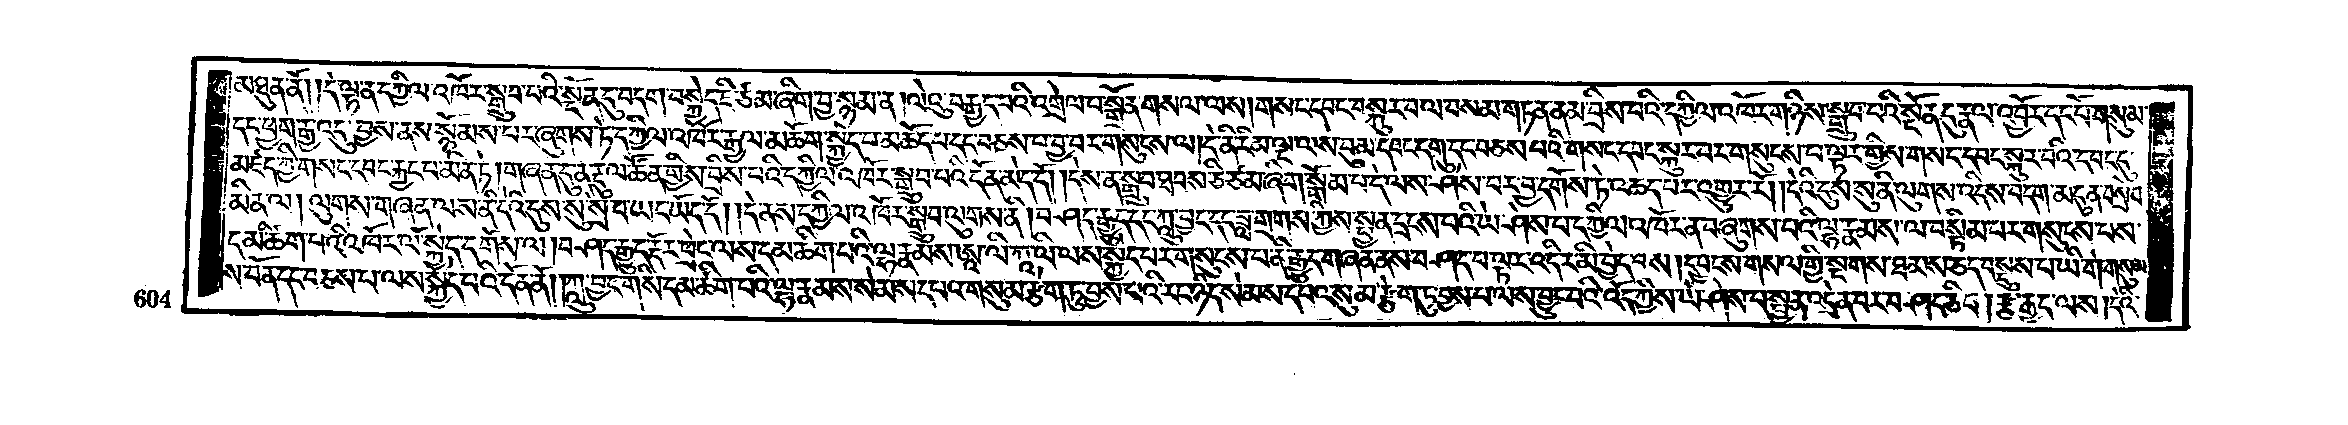མཐུན་ནོ། །དེ་ལྟ་ན་དཀྱིལ་འཁོར་སྒྲུབ་པའི་སྔོན་དུ་བདག་བསྐྱེད་ཇི་ཙམ་ཞིག་བྱ་སྙམ་ན། ལེའུ་བརྒྱད་པའི་འགྲེལ་པ་སྒྲོན་གསལ་ལས། གསང་དབང་བསྐུར་བ་ལ་བསམ་གཏན་ནམ་བྲིས་པའི་དཀྱིལ་འཁོར་གཉིས་སྒྲུབ་པའི་སྔོན་དུ་རྣལ་འབྱོར་དང་པོ་གསུམ་
དང་ཕྱག་རྒྱ་འདུ་བྱས་ནས་སྙོམས་པར་ཞུགས་ཏེ་དཀྱིལ་འཁོར་རྒྱལ་མཆོག་སྐྱེད་པ་མཆོད་པ་དང་བཅས་པ་བྱ་བར་གསུངས་ལ། དེ་ནི་རིམ་ལྔ་ལས་བུམ་དབང་དགུ་དང་བཅས་པའི་གསང་དབང་སྐུར་བར་གསུངས་པ་ལྟར་གྱིས་གསང་དབང་སྐུར་བའི་དབང་དུ་
མཛད་ཀྱི་གསང་དབང་རྐྱང་པ་མིན་ཏེ། གཞན་དུ་ན་རྡུལ་ཚོན་གྱིས་བྲིས་པའི་དཀྱིལ་འཁོར་སྒྲུབ་པའི་དོན་མེད་དོ། །དེས་ན་སྒྲུབ་ཐབས་ཅི་ཙམ་ཞིག་སྒོམ་པ་དེ་ལས་ཤེས་པར་བྱ་དགོས་ཏེ་འཆད་པར་འགྱུར་རོ། །དེའི་དུས་སུ་ནི་ལུགས་འདིས་བདག་མདུན་བསྲེ་བ་
མིན་ལ། ལུགས་གཞན་ལས་ནི་དེའི་དུས་སུ་སྲེ་བ་ཡང་ཡོད་དོ། །དེ་ནས་དཀྱིལ་འཁོར་སྒྲུབ་ལུགས་ནི། བཤད་རྒྱུད་དང་ཀླུ་བྱང་དང་ཟླ་གྲགས་ཀྱིས་སྤྱན་དྲངས་པའི་ཡེ་ཤེས་པ་དཀྱིལ་འཁོར་ན་བཞུགས་པའི་ལྷ་རྣམས་ལ་བསྟིམ་པར་གསུངས་པས་
དམ་ཚིག་པའི་འཁོར་ལོ་སྐྱེད་དགོས་ལ། བཤད་རྒྱུད་རྡོར་ཕྲེང་ལས་དམ་ཚིག་པའི་ལྷ་རྣམས་ཨཱ་ལི་ཀཱ་ལི་ལས་སྐྱེད་པར་གསུངས་པ་ནི་རྒྱུད་གཞན་ནས་བཤད་པ་ལྟར་འདིར་མི་བྱེད་པས། དབྱངས་གསལ་གྱི་སྔགས་ཐམས་ཅད་བསྡུས་པ་ཡི་གེ་གསུམ་
ས་བོན་དང་བཅས་པ་ལས་སྐྱེད་པའི་དོན་ནོ། །ཀླུ་བྱང་གིས་དམ་ཚིག་པའི་ལྷ་རྣམས་སེམས་དཔའ་གསུམ་རྩེག་ཏུ་བྱས་པའི་རང་ཉིད་སེམས་དཔའ་སུམ་རྩེག་ཏུ་བྱས་པ་ལས་བྱུང་བའི་འོད་ཀྱིས་ཡེ་ཤེས་པ་སྤྱན་འདྲེན་པར་བཤད་ཅིང་། རྩ་རྒྱུད་ལས། དེའི་